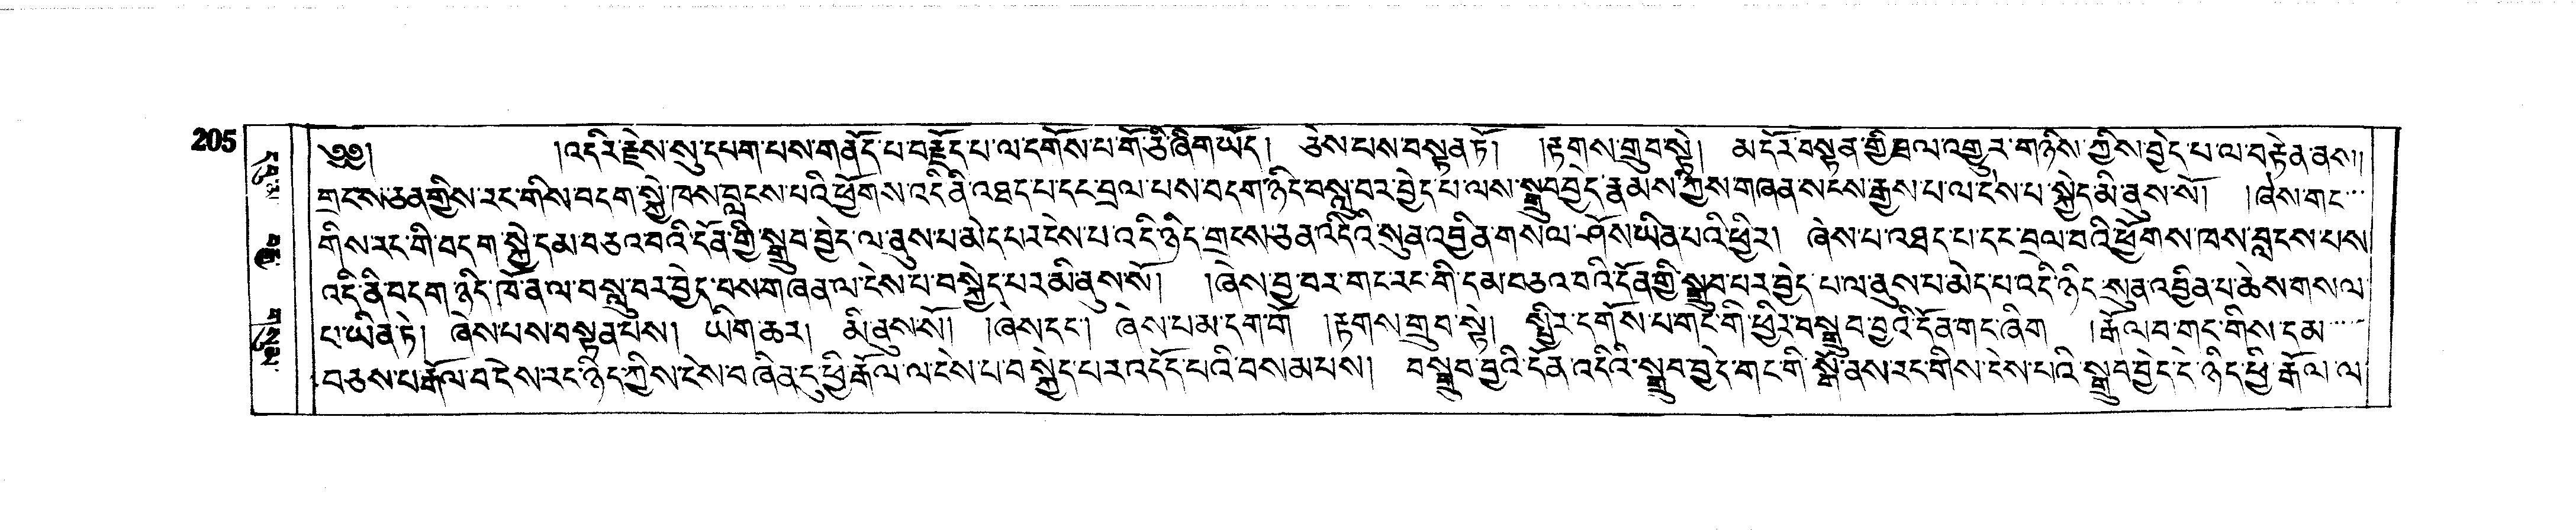༄༅། །འདིར་རྗེས་སུ་དཔག་པས་གནོད་པ་བརྗོད་པ་ལ་དགོས་པ་གོ་ཅི་ཞིག་ཡོད། ཅེས་པས་བསྟན་ཏོ། །རྟགས་གྲུབ་སྟེ། མདོར་བསྟན་གྱི་ཐལ་འགྱུར་གཉིས་ཀྱིས་བྱེད་པ་ལ་བརྟེན་ནས།།
གྲངས་ཅན་གྱིས་རང་གིས་བདག་སྐྱེ་ཁས་བླངས་པའི་ཕྱོགས་འདི་ནི་འཐད་པ་དང་བྲལ་བས་བདག་ཉིད་བསླུ་བར་བྱེད་པ་ལས་སྒྲུབ་བྱེད་རྣམས་ཀྱིས་གཞན་སངས་རྒྱས་པ་ལ་ངེས་པ་སྐྱེད་མི་ནུས་སོ། །ཞེས་གང་
གིས་རང་གི་བདག་སྐྱེ་དམ་བཅའ་བའི་དོན་གྱི་སྒྲུབ་བྱེད་ལ་ནུས་པ་མེད་པར་ངེས་པ་འདི་ཉིད་གྲངས་ཅན་འདིའི་སུན་འབྱིན་གསལ་ཤོས་ཡིན་པའི་ཕྱིར། ཞེས་པ་འཐད་པ་དང་བྲལ་བའི་ཕྱོགས་ཁས་བླངས་པས་
འདི་ནི་བདག་ཉིད་ཁོ་ན་ལ་བསླུ་བར་བྱེད་པས་གཞན་ལ་ངེས་པ་བསྐྱེད་པར་མི་ནུས་སོ། །ཞེས་བྱ་བར་གང་རང་གི་དམ་བཅའ་བའི་དོན་གྱི་སྒྲུབ་པར་བྱེད་པ་ལ་ནུས་པ་མེད་པ་འདི་ཉིད་སུན་འབྱིན་པ་ཆེས་གསལ་
པ་ཡིན་ཏེ། ཞེས་པས་བསྟན་པས། ཡིག་ཆར། མི་ནུས་སོ། །ཞེས་དང་། ཞེས་པ་མ་དག་གོ །རྟགས་གྲུབ་སྟེ། སྤྱིར་དགོས་པ་གང་གི་ཕྱིར་བསྒྲུབ་བྱའི་དོན་གང་ཞིག །རྒོལ་བ་གང་གིས་དམ་
བཅས་པ་རྒོལ་བ་དེས་རང་ཉིད་ཀྱིས་ངེས་བཞིན་དུ་ཕྱི་རྒོལ་ལ་ངེས་པ་བསྐྱེད་པར་འདོད་པའི་བསམ་པས། བསྒྲུབ་བྱའི་དོན་འདིའི་སྒྲུབ་བྱེད་གང་གི་སྒོ་ནས་རང་གིས་ངེས་པའི་སྒྲུབ་བྱེད་དེ་ཉིད་ཕྱི་རྒོལ་ལ་